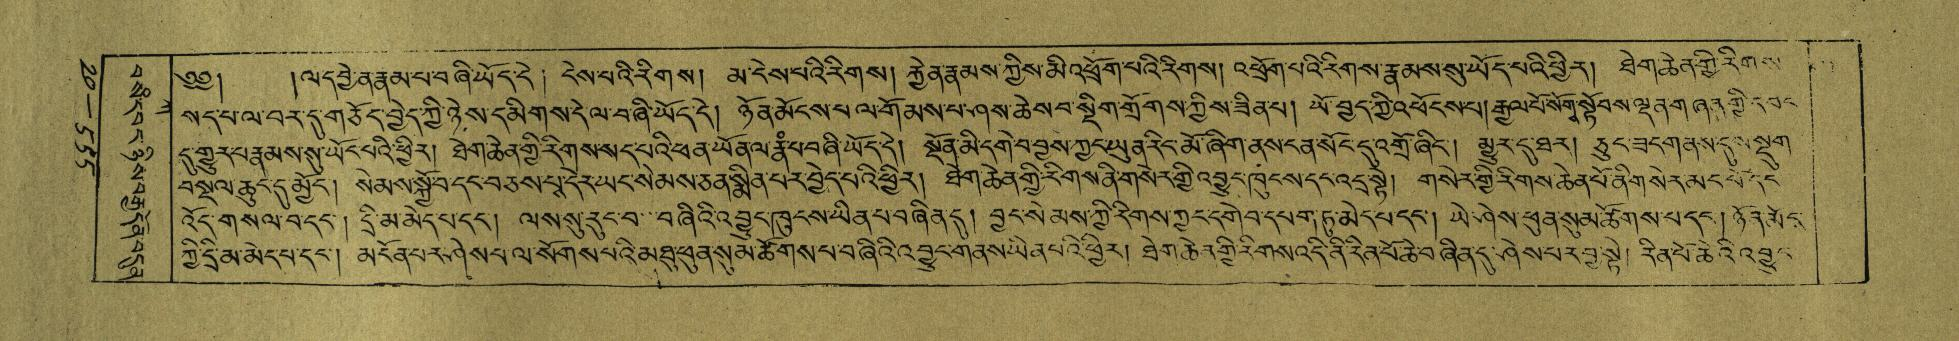༄༅། །ལ་དབྱེ་ན་རྣམ་པ་བཞི་ཡོད་དེ། ངེས་པའི་རིགས། མ་ངེས་པའི་རིགས། རྐྱེན་རྣམས་ཀྱིས་མི་འཕྲོག་པའི་རིགས། འཕྲོག་པའི་རིགས་རྣམས་སུ་ཡོད་པའི་ཕྱིར། ཐེག་ཆེན་གྱི་རིགས་
སད་པ་ལ་བར་དུ་གཅོད་བྱེད་ཀྱི་ཉེས་དམིགས་དེ་ལ་བཞི་ཡོད་དེ། ཉོན་མོངས་པ་ལ་གོམས་པ་ཤས་ཆེས་བ་སྡིག་གྲོགས་ཀྱིས་ཟིན་པ། ཡོ་བྱད་ཀྱི་འཕོངས་པ། རྒྱལ་པོ་སོགས་སྟོབས་ལྡན་གཞན་གྱི་དབང་
དུ་གྱུར་པ་རྣམས་སུ་ཡོད་པའི་ཕྱིར། ཐེག་ཆེན་གྱི་རིགས་སད་པའི་ཕན་ཡོན་ལ་རྣཾ་པ་བཞི་ཡོད་དེ། སྔོན་མི་དགེ་བ་བྱས་ཀྱང་ཡུན་རིང་མོ་ཞིག་ནས་ངན་སོང་དུ་འགྲོ་ཞིང་། མྱུར་དུ་ཐར། ཅུང་ཟད་གནས་དུས་སྡུག་
བསྔལ་ཆུང་དུ་མྱོང་། སེམས་སྐྱོ་བ་དང་བཅས་པས་དེར་ཡང་སེམས་ཅན་སྨིན་པར་བྱེད་པའི་ཕྱིར། ཐེག་ཆེན་གྱི་རིགས་ནི་གསེར་གྱི་འབྱུང་ཁུངས་དང་འདྲ་སྟེ། གསེར་གྱི་རིགས་ཆེན་པོ་ནི་གསེར་མང་པོ་དང་
འོད་གསལ་བ་དང་། དྲི་མ་མེད་པ་དང་། ལས་སུ་རུང་བ་བཞིའི་འབྱུང་ཁུངས་ཡིན་པ་བཞིན་དུ། བྱང་སེམས་ཀྱི་རིགས་ཀྱང་དགེ་བ་དཔག་ཏུ་མེད་པ་དང་། ཡེ་ཤེས་ཕུན་སུམ་ཚོགས་པ་དང་། ཉོན་མོངས་
ཀྱི་དྲི་མ་མེད་པ་དང་། མངོན་པར་ཤེས་པ་ལ་སོགས་པའི་མཐུན་ཕུན་སུམ་ཚོགས་པ་བཞིའི་འབྱུང་གནས་ཡིན་པའི་ཕྱིར། ཐེག་ཆེན་གྱི་རིགས་འདི་ནི་རིན་པོ་ཆེ་བཞིན་དུ་ཤེས་པར་བྱ་སྟེ། རིན་པོ་ཆེའི་འབྱུང་